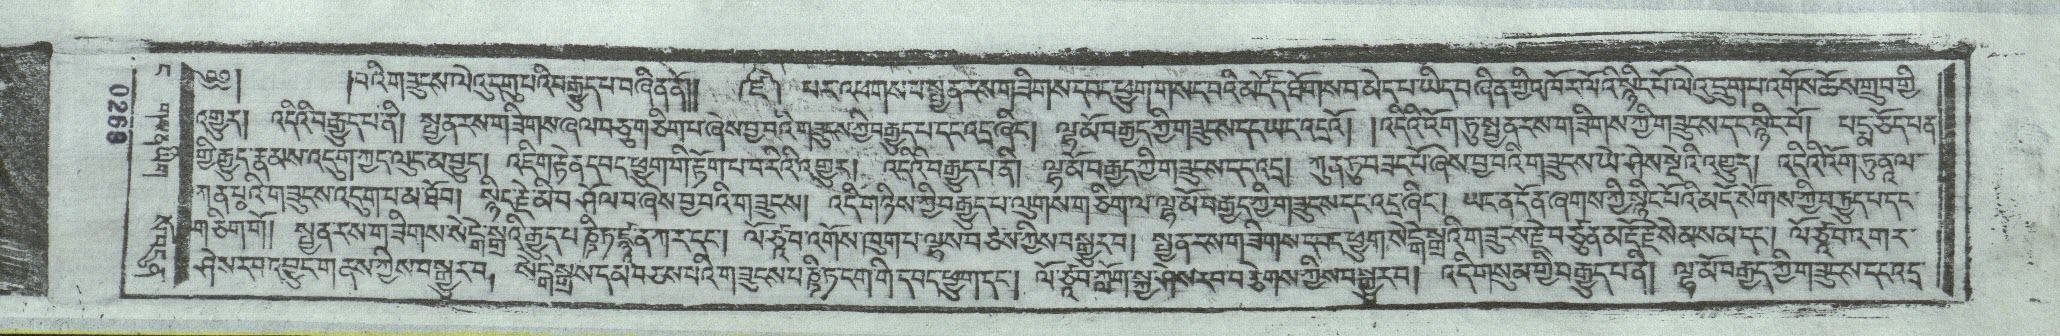༄༅། །བའི་གཟུངས་ལེའུ་དགུ་པའི་བརྒྱུད་པ་བཞིན་ནོ།། {ཛ}་པར་འཕགས་པ་སྤྱན་རས་གཟིགས་དབང་ཕྱུག་གསང་བའི་མཛོད་ཐོགས་པ་སེངས་ཡིད་བཞིན་ཀྱི་??????་པོའི་སྙིང་པོ་?????་ཆོས་གྲུབ་གྱི་
འགྱུར། འདིའི་བརྒྱུད་པ་ནི། སྤྱན་རས་གཟིགས་ཞལ་བཅུ་གཅིག་པ་ཞེས་བྱ་བའི་གཟུངས་ཀྱི་བརྒྱུད་པ་དང་འདྲ་ཞིང་། ལྷ་མོ་བརྒྱད་ཀྱི་གཟུངས་དང་ཡང་འདྲའོ། །འདིའི་འོག་ཏུ་སྤྱན་རས་གཟིགས་ཀྱི་གཟུངས་དང་སྙིང་པོ། པདམ་ཅོད་པན་
གྱི་རྒྱུད་རྣམས་འདུག་ཀྱང་ལུང་མ་བྱུང་། འཇིག་རྟེན་དབང་ཕྱུག་གི་རྟོག་པ་བ་རིའི་འགྱུར། འདིའི་བརྒྱུད་པ་ནི། ལྷ་མོ་བརྒྱད་ཀྱི་གཟུངས་དང་འདྲ། ཀུན་ཏུ་བཟང་པོ་ཞེས་བྱ་བའི་གཟུངས་ཡེ་ཤེས་སྔེའི་འགྱུར། འདིའི་འོག་ཏུ་ནཱ་ལ་
ཀན་པའི་གཟུངས་འདུག་པ་མ་ཐོབ། སྙིང་རྗེ་མི་བཤོལ་བ་ཞེས་བྱ་བའི་གཟུངས། འདི་གཉིས་ཀྱི་བརྒྱུད་པ་ལུགས་གཅིག་ལ་ལྷ་མོ་བརྒྱད་ཀྱི་གཟུངས་དང་འདྲ་ཞིང་། ཡང་ན་དོན་ཞགས་ཀྱི་སྙིང་པོའི་མདོ་སོགས་ཀྱི་བརྒྱུད་པ་དང་
གཅིག་གོ། སྤྱན་རས་གཟིགས་སེངྒེ་སྒྲའི་རྒྱུད་པཎྜི་ཏ་ཛྙཱ་ན་ཀ་ར་དང་། ལོ་ཙཱ་བ་འགོས་ཁུག་པ་ལྷས་བཅེས་ཀྱིས་བསྒྱུར་བ། སྤྱན་རས་གཟིགས་དབང་ཕྱུག་སེངྒེ་སྒྲའི་གཟུངས་རྗེ་བཙུན་མ་རྡོ་རྗེ་སེམས་མ་དང་། ལོ་ཙཱ་བ་འགར་
ཤེས་རབ་འབྱུང་གནས་ཀྱིས་བསྒྱུར་བ། སེངྒེ་སྒྲས་དམ་བཅས་པའི་གཟུངས་པཎྜི་ཏ་ངག་གི་དབང་ཕྱུག་དང་། ལོ་ཙཱ་བ་ཀློག་སྐྱ་ཤེས་རབ་བརྩེགས་ཀྱིས་བསྒྱུར་བ། འདི་གསུམ་གྱི་བརྒྱུད་པ་ནི། ལྷ་མོ་བརྒྱད་ཀྱི་གཟུངས་དང་འདྲ་